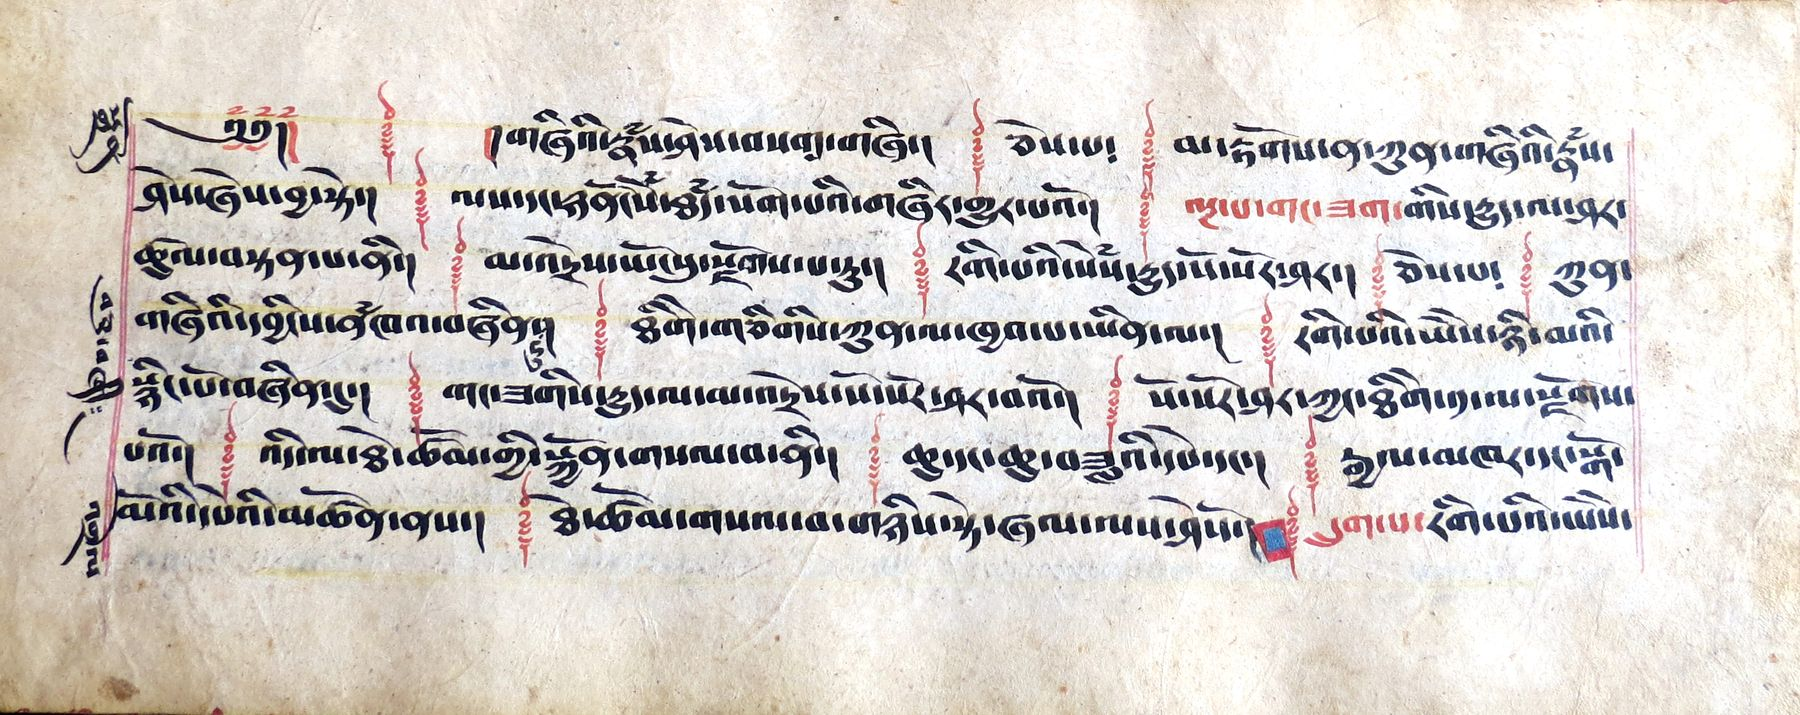གཞི་རྣམ་ཤེས་བག་ཆགས་གཞི། །ཞེས་པས་མ་རྟོགས་ན་ཀུན་གཞིའི་རྣམ་
ཤེས་ཞེས་བྱ་སྟེ། ལས་དང་ཉོན་མོངས་ཐམས་ཅད་བསོག་པའི་གཞིར་གྱུར་པའོ། ། ལྔ་པ་གང་ཟག་གི་རྒྱུད་ལ་ཤར་
ཚུལ་བསྟན་པ་ནི། མ་འདྲེས་ཡོངས་སུ་རྫོགས་པ་རུ། རིག་པའི་སེམས་རྒྱུད་སོ་སོར་ཤར་ཅེས་པས། ཀུན་
གཞིའི་དབྱིངས་ནམ་མཁའ་བཞིན་དུ། ཐིག་ལེ་གཅིག་གིས་ཀུན་ལ་ཁྱབ་པ་ཡིན་ལ། རིག་པའི་ཡེ་ཤེས་ནི་ཉི་མའི་
སྙིང་པོ་བཞིན་དུ། གང་ཟག་གི་རྒྱུད་ལ་མ་འདྲེས་སོ་སོར་ཤར་བའོ། །སོ་སོར་ཤར་ཀྱང་ཐིག་ལེ་གཅིག་ལ་རྫོགས་
པའོ། །འདི་ལ་ཐེ་ཚོམ་གྱི་སྐྱོན་བསལ་བ་ནི། ཆུ་དང་ཆུ་ཟླའི་དཔེ་དང་། རྒྱལ་མཁར་དང་སྒོ་
མོའི་དཔེ་ཡིས་མཚོན་ནས། ཐེ་ཚོམ་བསལ་བ་གཉིས་ཏེ་ཞལ་ལས་ཤེས་སོ། །དྲུག་པ་རིག་པའི་ཡེ་ཤེས་